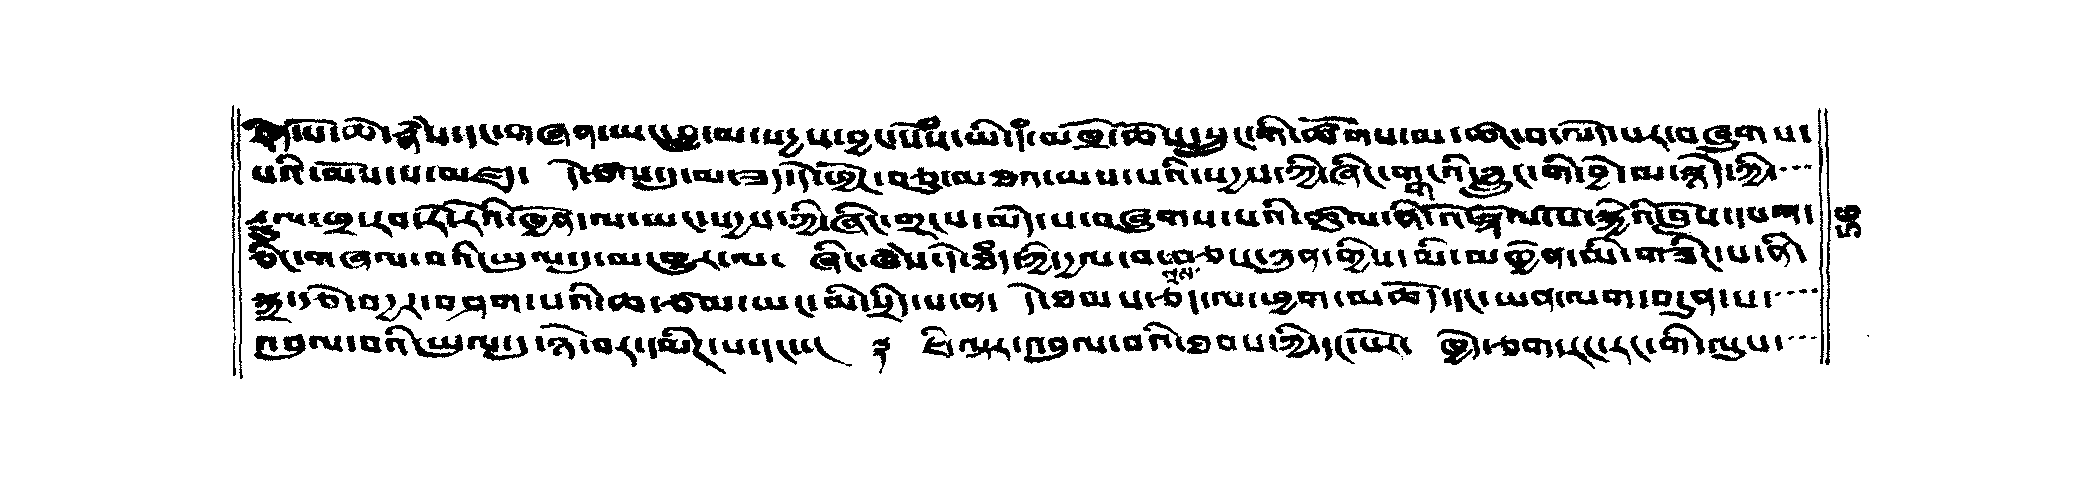རིན་པོ་ཆེ་རྣམས་དང་གཞན་ཡང་བླ་མ་སངས་རྒྱས་བྱང་སེམས་ཡི་དམ་མཁའ་འགྲོ་ཆོས་སྲུང་གི་ཚོགས་མ་ཚང་བ་མེད་པར་བཞུགས་
པའི་མོས་པ་མཛད། དེ་ཙམ་དུ་མ་ཟད་དེ་ཕྱོགས་བཅུ་མཐའ་ཡས་པའི་སངས་རྒྱས་ཀྱི་ཞིང་གངྒའི་ཀླུང་གི་བྱེ་མ་སྙེད་ཀྱི་
རྡུལ་ཕྲ་རབ་རོ་རོའི་ཁྱོན་ལ་ཡང་སངས་རྒྱས་ཀྱི་ཞིང་གྲངས་མེད་པ་བཞུགས་པའི་ཚུལ་ནི་འོ་སྐོལ་པོ་སྐྱེའི་བློས་དཔག་
ཅིག་གཞལ་བའི་ཡུལ་དུ་མ་གྱུར་ལ། ཞིང་ཁམས་དེ་ཐམས་ཅད་ཀྱི་རྒྱལ་བ་སྲས་བཅས་ཀུན་གྱིས་མི་མཁྱེན་མི་གཟིང་པ་ནི་
སྐྲ་རྩེ་བརྒྱར་བཤག་པའི་ཆ་སྐམ་ཡང་མི་སྲིད་པ་ན། དེ་ཐམས་ཅད་ལ་ཕྱག་མཆོད་དག་ཡན་ལག་བདུན་པ་
འབུལ་བའི་ཡུལ་དུ་ཉེ་བར་དམིགས་པ་དང་། ༈ ཇི་ལྟར་འབུལ་བའི་ཐབས་ཀྱི་དང་པོར། ཁྱེད་ཅག་རང་རང་གི་ལུས་